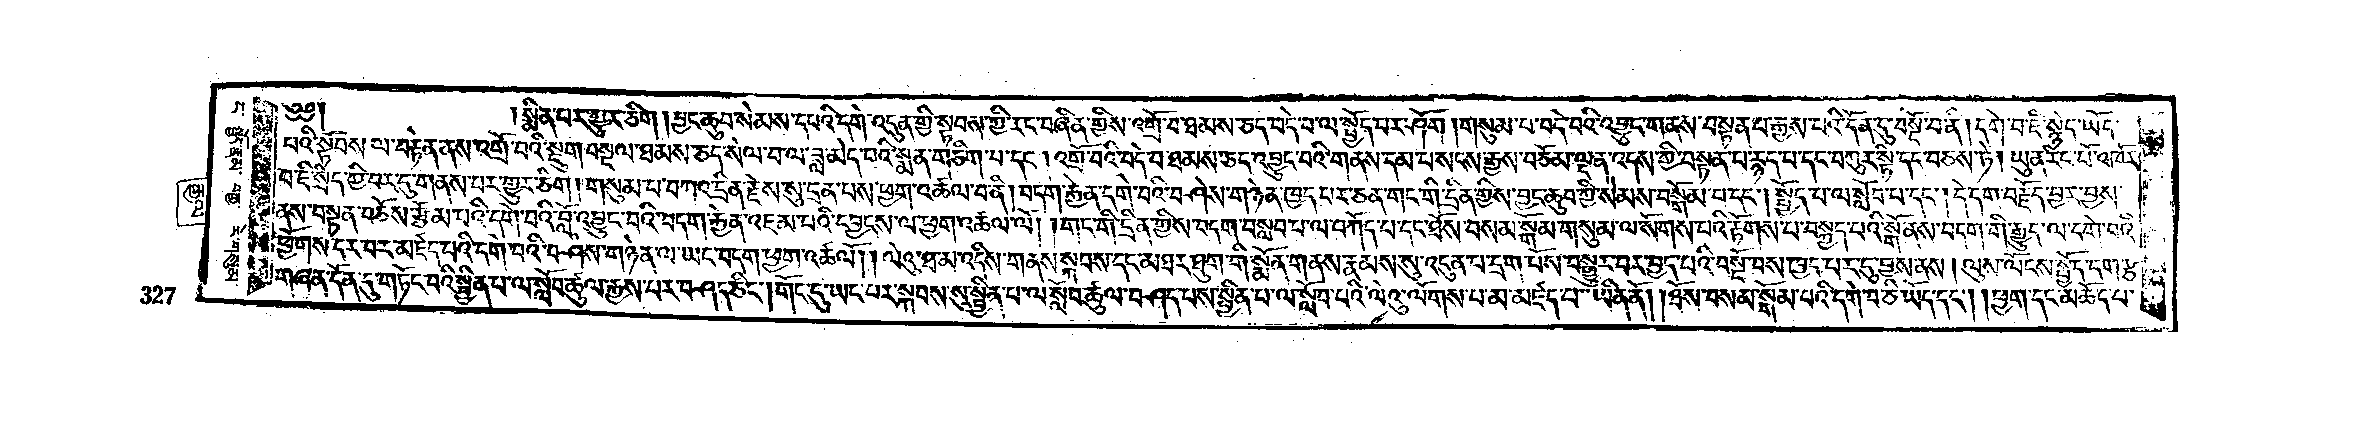༄༅། །སྨིན་པར་གྱུར་ཅིག །བྱང་ཆུབ་སེམས་པའི་དགེ་འདུན་གྱི་སྟབས་ཀྱི་རང་བཞིན་གྱིས་འགྲོ་བ་ཐམས་ཅད་བདེ་བ་ལ་སྤྱོད་པར་ཤོག །གསུམ་པ་བདེ་བའི་འབྱུང་གནས་བསྟན་པ་རྒྱས་པའི་དོན་དུ་བསྔོ་བ་ནི། དགེ་བ་ཇི་སྙེད་ཡོད་
པའི་སྟོབས་ལ་བརྟེན་ནས་འགྲོ་བའི་སྡུག་བསྔལ་ཐམས་ཅད་སེམས་བ་ལ་ཟླ་མེད་པའི་སྨན་གཅིག་པ་དང་། འགྲོ་བའི་བདེ་བ་ཐམས་ཅད་འབྱུང་བའི་གནས་དམ་པ་སངས་རྒྱས་བཅོམ་ལྡན་འདས་ཀྱི་བསྟན་པ་རྙད་པ་དང་བཀུར་སྟི་དང་བཅས་ཏེ། ཡུན་རིང་པོ་འཁོར་
བ་ཇི་སྲིད་ཀྱི་བར་དུ་གནས་པར་གྱུར་ཅིག །གསུམ་པ་བཀའ་དྲིན་རྗེས་སུ་དྲན་པས་ཕྱག་འཚལ་བ་ནི། བདག་རྐྱེན་དགེ་བའི་བཤེས་གཉེན་ཁྱད་པར་ཅན་གང་གི་དྲིན་གྱིས་བྱང་ཆུབ་སེམས་བསྒོམ་པ་དང་། སྤྱོད་པ་ལ་སློབ་པ་དང་། དེ་དག་བརྗོད་བྱར་བྱས་
ནས་བསྟན་བཅོས་རྩོམ་པའི་དགེ་བའི་བློ་འབྱུང་བའི་བདག་རྐྱེན་འཇམ་པའི་དབྱངས་ལ་ཕྱག་འཚལ་ལོ། །གང་གི་དྲིན་གྱིས་བདག་བསླབ་པ་ལ་བཀོད་པ་དང་ཐོས་བསམ་སྒོམ་གསུམ་ལ་སོགས་པའི་རྟོགས་པ་བསྐྱད་པའི་སྒོ་ནས་བདག་གི་རྒྱུད་ལ་དགེ་བའི་
ཕྱོགས་ངར་བར་མཛད་པའི་དགེ་བའི་བཤེས་གཉེན་ལ་ཡང་བདག་ཕྱག་འཚལ་ལོ། །ལེའུ་ཐ་མ་འདིས་གནས་སྐབས་དང་མཐར་ཐུག་གི་སྨོན་གནས་རྣམས་སུ་འདུན་པ་དྲག་པོས་བསྒྱུར་བར་བྱད་པའི་བསྔོ་བས་ཁྱད་པར་དུ་བྱས་ནས། ལུས་ལོངས་སྤྱོད་དག་རྩ་
གཞན་དོན་དུ་གཏོང་བའི་སྦྱིན་པ་ལ་སློབ་ཚུལ་རྒྱས་པར་བཤད་ཅིང་། གོང་དུ་ཡང་བར་སྐབས་སུ་སྦྱིན་པ་ལ་སློབ་ཚུལ་བཤད་པས་སྦྱིན་པ་ལ་སློབ་པའི་ལེའུ་ལོངས་པ་མ་མཛད་པ་ཡིན་ནོ། །ཐོས་བསམ་སྒོམ་པའི་དགེ་བ་ཅི་ཡོད་དང་། ཕྱག་དང་མཆོད་པ་